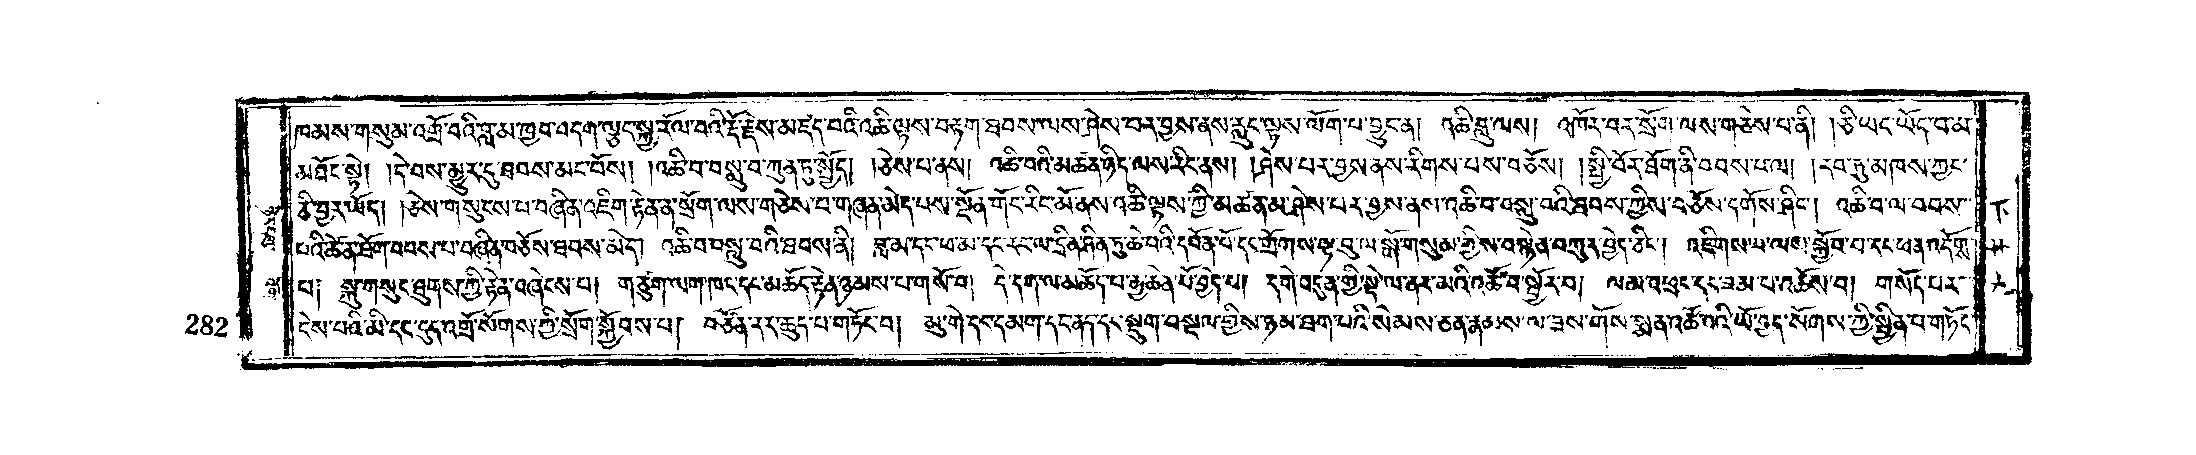ཁམས་གསུམ་འགྲོ་བའི་བླ་མ་ཁྱབ་བདག་ལྕང་སྐྱ་རོལ་བའི་རྡོ་རྗེས་མཛད་པའི་འཆི་ལྟས་བརྟག་ཐབས་ལས་ཤེས་པར་བྱས་ནས་རླུང་ལྟས་ལོག་པ་བྱུང་ན། འཆི་བླུ་ལས། འཁོར་བར་སྲོག་ལས་གཅེས་པ་ནི། །ཅི་ཡང་ཡོད་པ་མ་
མཐོང་སྟེ། །དེ་བས་མྱུར་དུ་ཐབས་མང་པོས། །འཆི་བ་བསླུ་བ་ཀུན་ཏུ་སྤྱོད། །ཅེས་པ་ནས། འཆི་བའི་མཚན་ཉིད་ལས་རིང་ནས། །ཤེས་པར་བྱས་ནས་རིགས་པས་བཅོས། །སྤྱི་བོར་ཐོག་ནི་བབས་པ་ལ། །རབ་ཏུ་མཁས་ཀྱང་
ཅི་བྱར་ཡོད། །ཅེས་གསུངས་པ་བཞིན་འཇིག་རྟེན་ན་སྲོག་ལས་གཅེས་པ་གཞན་མེད་པས་སྔོན་གོང་རིང་མོ་ནས་འཆི་ལྟས་ཀྱི་མཚན་མ་ཤེས་པར་བྱས་ནས་འཆི་བ་བསླུ་བའི་ཐབས་ཀྱིས་བཅོས་དགོས་ཤིང་། འཆི་བ་ལ་བབས་
པའི་ཚེ་ན་ཐོག་བབས་པ་བཞིན་བཅོས་ཐབས་མེད། འཆི་བ་བསླུ་བའི་ཐབས་ནི། བླ་མ་དང་ཕ་མ་དང་རང་ལ་དྲིན་ཤིན་ཏུ་ཆེ་བའི་དཔོན་པོ་དང་གྲོགས་ལྟ་བུ་ལ་སྒོ་གསུམ་གྱིས་བསྙེན་བཀུར་བྱེད་ཅིང་། འཇིགས་པ་ལས་སྐྱོབ་པ་དང་ཕན་འདོགས་
པ། སྐུ་གསུང་ཐུགས་ཀྱི་རྟེན་བཞེངས་པ། གཙུག་ལག་ཁང་དང་མཆོད་རྟེན་ཉམས་པ་གསོ་བ། དེ་དག་ལ་མཆོད་པ་རྒྱ་ཆེན་པོ་བྱེད་པ། དགེ་འདུན་གྱི་སྡེ་ལ་ནར་མའི་འཚོ་བ་སྦྱོར་བ། ལམ་འཕྲང་དང་ཟམ་པ་འཆོས་བ། གསོད་པར་
ངེས་པའི་མི་དང་དུད་འགྲོ་སོགས་ཀྱི་སྲོག་སྐྱོབས་པ། བཙོན་རར་ཆུད་པ་གཏོང་བ། མུ་གེ་དང་དམག་དང་ནད་དང་སྡུག་བསྔལ་གྱིས་ཉམ་ཐག་པའི་སེམས་ཅན་རྣམས་ལ་ཟས་གོས་སྨན་འཚོ་བའི་ཡོ་བྱད་སོགས་ཀྱི་སྦྱིན་པ་གཏོང་